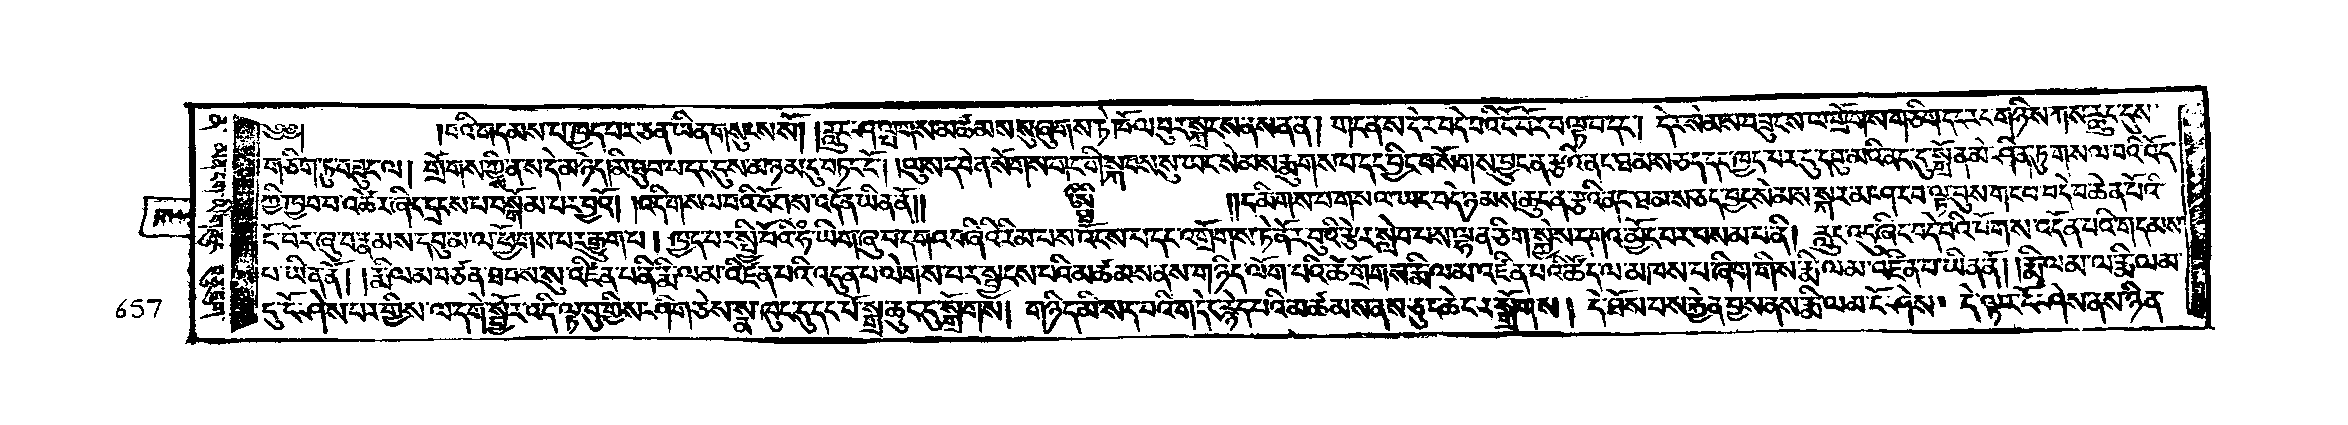༄༅། །བའི་གདམས་པ་ཁྱད་པར་ཅན་ཡིན་གསུངས་སོ། །རླུང་ཤ་ལྤགས་མཚམས་སུ་ཞུགས་ཏེ་ཁོལ་བུར་སྐྲངས་ནས་ན་ན། གང་ན་ས་དེར་བདེ་བའི་ངོ་བོར་བལྟ་བ་དང་། དེར་སེམས་བཟུངས་ལ་གྲོགས་གཅིག་དང་རང་གཉིས་ཀས་རླུང་དུས་
གཅིག་ཏུ་བཟུང་ལ། གྲོགས་ཀྱིས་ན་ས་དེ་མཉེད། མི་ཐུབ་པ་དང་དུས་མཉམ་དུ་བཏང་ངོ། །ལུས་དབེན་སོགས་གང་གི་སྐབས་སུ་ཡང་སེམས་རྨུགས་པ་དང་བྱིང་བ་སོགས་བྱུང་ན་རྩའི་ནང་ཐམས་ཅད་དང་ཁྱད་པར་དུ་དབུ་མའི་ནང་དུ་སྒྲོན་མེ་ཤིན་ཏུ་གསལ་བའི་འོད་
ཀྱི་ཁྱབ་པ་འཚེར་ཞིང་དྲངས་པ་བསྒོམ་པར་བྱའོ། །འདི་གསལ་བའི་བོགས་འདོན་ཡིན་ནོ།། ཨྀཐི་།།དམིགས་པ་གསལ་ཡང་བདེ་ཉམས་ཆུང་ན་རྩའི་ནང་ཐམས་ཅད་བྱང་སེམས་སྐར་མ་ཤར་བ་ལྟ་བུས་གང་བ་བདེ་བ་ཆེན་པོའི་
ངོ་བོར་ཞུ་བ་རྣམས་དབུ་མ་ལ་ཕྱོགས་པར་རྒྱུག་པ། ཁྱད་པར་སྤྱི་བོའི་ཧཾ་ཡིག་ཞུ་བ་དགའ་བཞིའི་རིམ་པས་འོངས་པ་དང་འགྲོགས་ཏེ་ནོར་བུའི་རྩེར་སླེབ་པས་ལྷན་ཅིག་སྐྱེས་དགའ་མྱོང་བར་བསམ་པ་ནི། རླུང་འདུ་ཞིང་བདེ་བའི་བོགས་འདོན་པའི་གདམས་
པ་ཡིན་ནོ། །རྨི་ལམ་བཙན་ཐབས་སུ་འཛིན་པ་ནི་རྨི་ལམ་འཛིན་པའི་འདུན་པ་ལེགས་པར་སྦྱངས་པའི་མཚམས་ནས་གཉིད་ལོག་པའི་ཚེ་གྲོགས་རྨི་ལམ་འཛིན་པའི་ཚོད་ལ་མཁས་པ་ཞིག་གིས་རྨི་ལམ་འཛིན་པ་ཡིན་ནོ། །རྨི་ལམ་ལ་རྨི་ལམ་
དུ་ངོ་ཤེས་པར་གྱིས་ལ་དགེ་སྦྱོར་འདི་ལྟ་བུ་གྱིས་ཤིག་ཅེས་སྣ་ཁུང་དུ་དང་པོ་སྒྲ་ཆུང་ངུ་སྒྲོགས། གཉིད་མི་སད་པའི་གདེང་རྙེད་པའི་མཚམས་ནས་ཅུང་ཆེ་བར་སྒྲོགས། དེ་ཐོས་པས་རྐྱེན་བྱས་ནས་རྨི་ལམ་ངོ་ཤེས། དེ་ལྟར་ངོ་ཤེས་ནས་ཉིན་